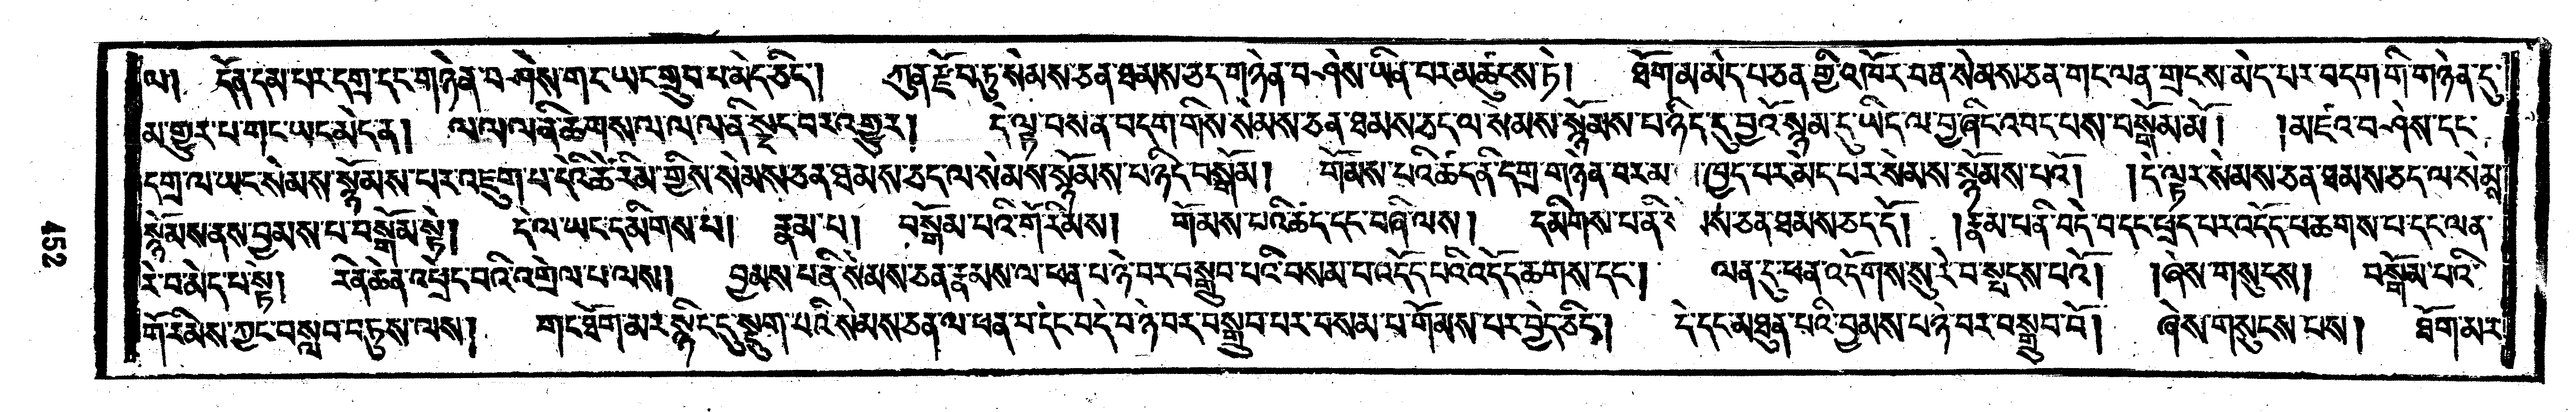ལ། དོན་དམ་པར་དགྲ་དང་གཉེན་བཤེས་གང་ཡང་གྲུབ་པ་མེད་ཅིང་། ཀུན་རྫོབ་ཏུ་སེམས་ཅན་ཐམས་ཅད་གཉེན་བཤེས་ཡིན་པར་མཚུངས་ཏེ། ཐོག་མ་མེད་པ་ཅན་གྱི་འཁོར་བ་ན་སེམས་ཅན་གང་ལན་གྲངས་མེད་པར་བདག་གི་གཉེན་དུ་
མ་གྱུར་པ་གང་ཡང་མེད་ན། ལ་ལ་ལ་ནི་ཆགས་ལ་ལ་ལ་ནི་སྡང་བར་འགྱུར། དེ་ལྟ་བས་ན་བདག་གིས་སེམས་ཅན་ཐམས་ཅད་ལ་སེམས་སྙོམས་པ་ཉིད་དུ་བྱའོ་སྙམ་དུ་ཡིད་ལ་བྱ་ཞིང་འབད་པས་བསྒོམ་མོ། །མཛའ་བཤེས་དང་
དགྲ་ལ་ཡང་སེམས་སྙོམས་པར་འཇུག་པ་དེའི་ཚེ་རིམ་གྱིས་སེམས་ཅན་ཐམས་ཅད་ལ་སེམས་སྙོམས་པ་ཉིད་བསྒོམ། གོམས་པའི་ཚད་ནི་དགྲ་གཉེན་བར་མ་ལ་ཁྱད་པར་མེད་པར་སེམས་སྙོམས་པའོ། །དེ་ལྟར་སེམས་ཅན་ཐམས་ཅད་ལ་སེམས་
སྙོམས་ནས་བྱམས་པ་བསྒོམ་སྟེ། དེ་ལ་ཡང་དམིགས་པ། རྣམ་པ། བསྒོམ་པའི་གོ་རིམས། གོམས་པའི་ཚད་དང་བཞི་ལས། དམིགས་པ་ནི་སེམས་ཅན་ཐམས་ཅད་དོ། །རྣམ་པ་ནི་བདེ་བ་དང་ཕྲད་པར་འདོད་པ་ཆགས་པ་དང་ལན་
རེ་བ་མེད་པ་སྟེ། རིན་ཆེན་འཕྲེང་བའི་འགྲེལ་པ་ལས། བྱམས་པ་ནི་སེམས་ཅན་རྣམས་ལ་ཕན་པ་ཉེ་བར་བསྒྲུབ་པའི་བསམ་པ་འདོད་པའི་འདོད་ཆགས་དང་། ལན་དུ་ཕན་འདོགས་སུ་རེ་བ་སྤངས་པའོ། །ཞེས་གསུངས། བསྒོམ་པའི་
གོ་རིམས་ཀྱང་བསླབ་བཏུས་ལས། གང་ཐོག་མར་སྙིང་དུ་སྡུག་པའི་སེམས་ཅན་ལ་ཕན་པ་དེང་བདེ་བ་ཉེ་བར་བསྒྲུབ་པར་བསམ་པ་གོམས་པར་བྱེད་ཅིང་། དེ་དང་མཐུན་པའི་བྱམས་པ་ཉེ་བར་བསྒྲུབ་བོ། ཞེས་གསུངས་པས། ཐོག་མར་